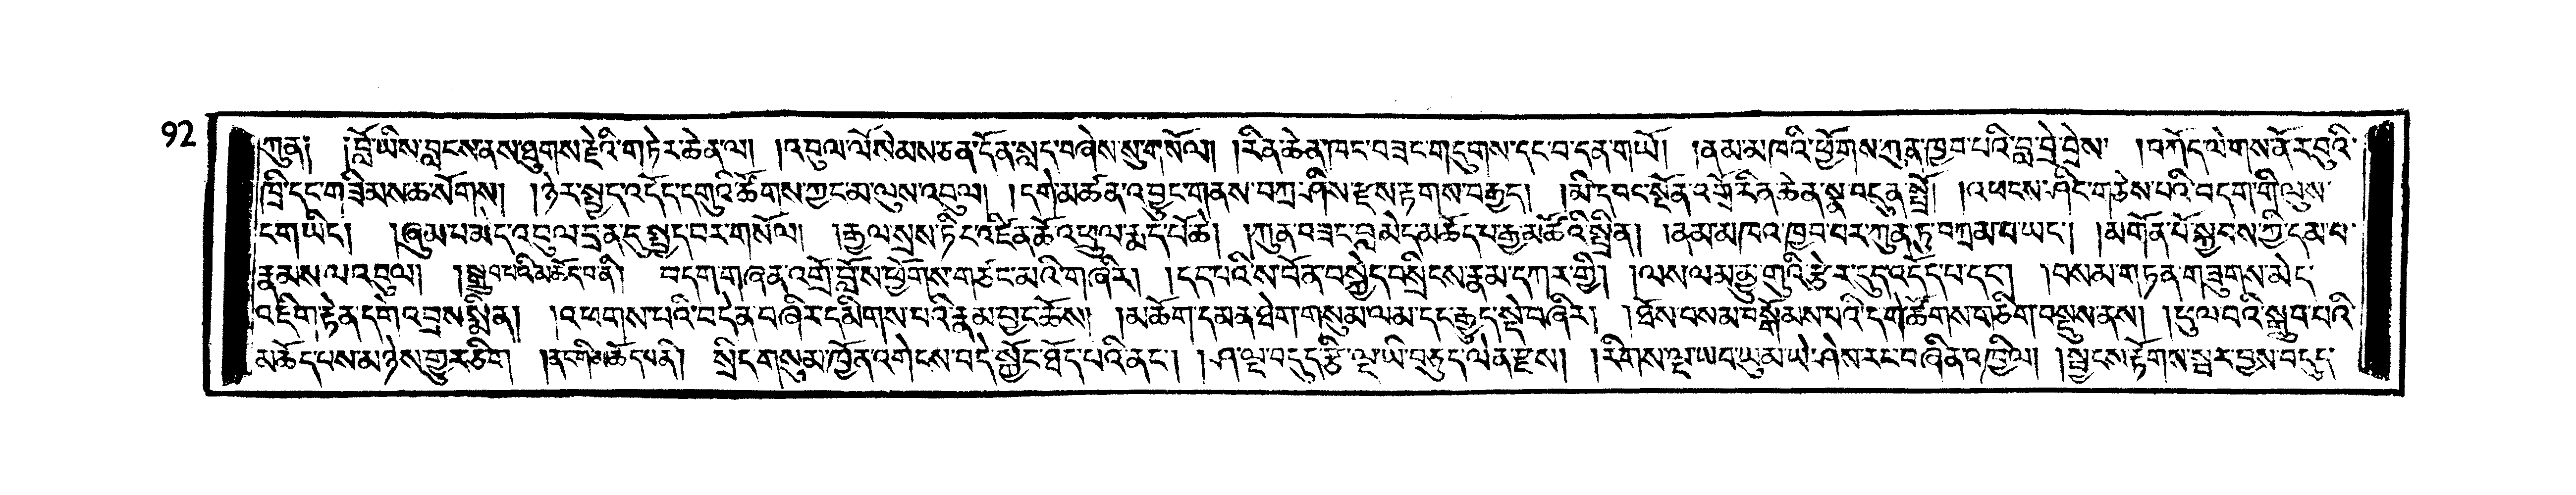ཀུན། །བློ་ཡིས་བླངས་ནས་ཐུགས་རྗེའི་གཏེར་ཆེན་ལ། །འབུལ་ལོ་སེམས་ཅན་དོན་སླད་བཞེས་སུ་གསོལ། །རིན་ཆེན་ཁང་བཟང་གདུགས་དང་བ་དན་གཡོ། །ནམ་མཁའི་ཕྱོགས་ཀུན་ཁྱབ་པའི་བླ་བྲེ་བྲེས། །བཀོད་ལེགས་ནོར་བུའི་
ཁྲི་དང་གཟིམས་ཆ་སོགས། །ཉེར་སྤྱད་འདོད་དགུའི་ཚོགས་ཀྱང་མ་ལུས་འབུལ། །དགེ་མཚན་འབྱུང་གནས་བཀྲ་ཤིས་རྫས་རྟགས་བརྒྱད། །མི་དབང་སྔོན་འགྲོ་རིན་ཆེན་སྣ་བདུན་སྤྲོ། །འཕངས་ཤིང་གཅེས་པའི་བདག་གི་ལུས་
ངག་ཡིད། །ཞུམ་པ་མེད་འབུལ་དྲན་དུ་སྤྱད་པར་གསོལ། །རྒྱལ་སྲས་ཏིང་འཛིན་ཆོ་འཕྲུལ་རྨད་པོ་ཆེ། །ཀུན་བཟང་བླ་མེད་མཆོད་པ་རྒྱ་མཚོའི་སྤྲིན། །ནམ་མཁའ་ཁྱབ་པར་ཀུན་ཏུ་བཀྲམ་པ་ཡང་། །མགོན་པོ་སྐྱབས་ཀྱི་དམ་པ་
རྣམས་ལ་འབུལ། །སྒྲུབ་པའི་མཆོད་པ་ནི། །བདག་གཞན་འགྲོ་བློ་ས་ཕྱོགས་གཙང་མའི་གཞིར། །དད་པའི་ས་བོན་བསྐྱེད་བསྲིངས་རྣམ་དཀར་གྱི། །ལས་ལམ་མྱུ་གུའི་རྩེར་དུད་འདོད་པ་དང་། །བསམ་གཏན་གཟུགས་མེད་
འཇིག་རྟེན་དགེ་འབྲས་སྨིན། །འཕགས་པའི་བདེན་བཞིར་དམིགས་པའི་རྣམ་བྱང་ཆོས། །མཆོག་དམན་ཐེག་གསུམ་ལམ་དང་རྒྱུད་སྡེ་བཞིར། །ཐོས་བསམ་བསྒོམས་པའི་དགེ་ཚོགས་གཅིག་བསྡུས་ནས། །ཕུལ་བའི་སྒྲུབ་པའི་
མཆོད་པས་མཉེས་གྱུར་ཅིག །ངང་གི་མཆོད་པ་ནི། སྲིད་གསུམ་ཁྱོན་འགེངས་བདེ་སྐྱོང་ཐོད་པའི་ནང་། །ཤ་ལྔ་བདུད་རྩི་ལྔ་ཡི་བཅུད་ལེན་རྫས། །རིགས་ལྔ་ཡབ་ཡུམ་ཡེ་ཤེས་རང་བཞིན་འཁྱིལ། །སྦྱངས་རྟོགས་སྦར་བྱས་བདུད་